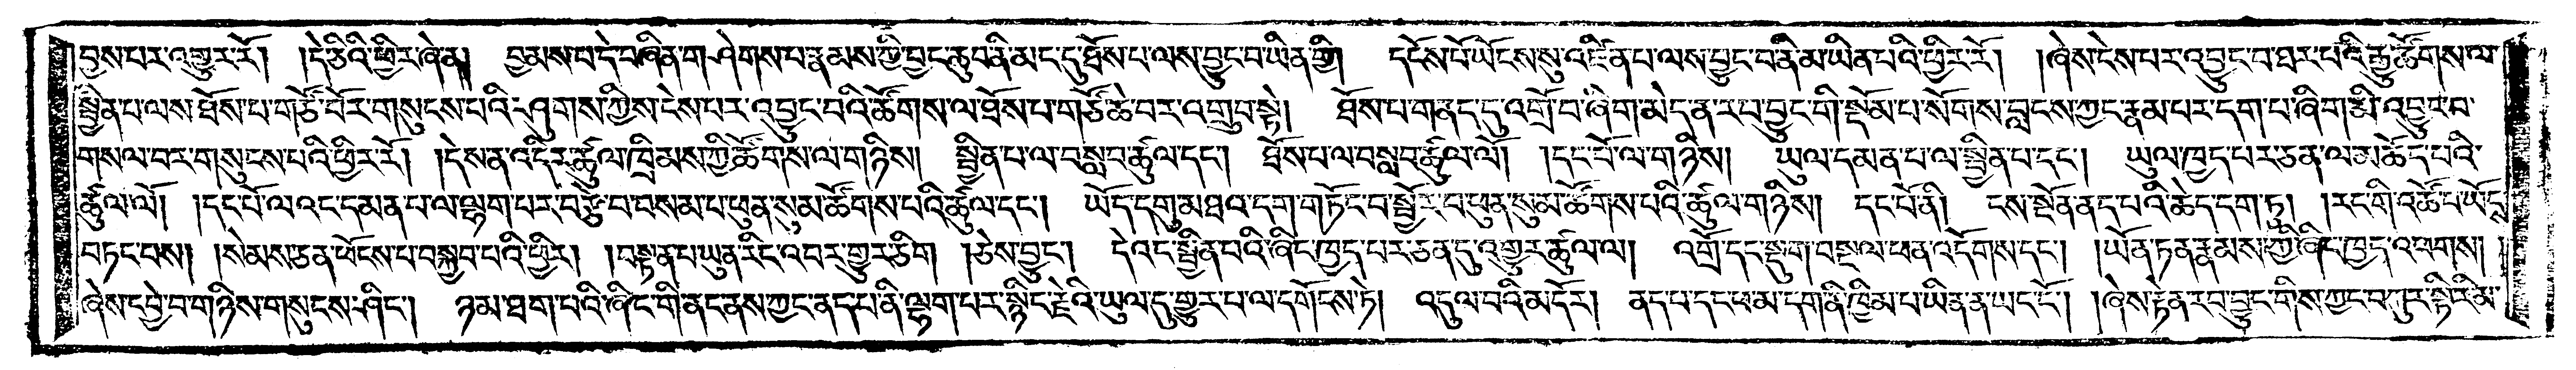བྱས་པར་འགྱུར་རོ། །དེ་ཅིའི་ཕྱིར་ཞེ་ན། བྱམས་པ་དེ་བཞིན་གཤེགས་པ་རྣམས་ཀྱི་བྱང་ཆུབ་ནི་མང་དུ་ཐོས་པ་ལས་བྱུང་བ་ཡིན་གྱི། དངོས་པོ་ཡོངས་སུ་འཛིན་པ་ལས་བྱུང་བ་ནི་མ་ཡིན་པའི་ཕྱིར་རོ། །ཞེས་ངེས་པར་འབྱུང་བ་ཐར་པའི་རྒྱུ་ཚོགས་ལ་
སྦྱིན་པ་ལས་ཐོས་པ་གཙོ་བོར་གསུངས་པའི་ཤུགས་ཀྱིས་ངོས་པར་འབྱུང་བའི་ཚོགས་ལ་ཐོས་པ་གཙོ་ཆེ་བར་འགྲུབ་སྟེ། ཐོས་པ་གནད་དུ་འགྲོ་བ་ཞིག་མེད་ན་རབ་བྱུང་གི་སྡོམ་པ་སོགས་བླངས་ཀྱང་རྣམ་པར་དག་པ་ཞིག་མི་འབྱུང་བ་
གསལ་བར་གསུངས་པའི་ཕྱིར་རོ། །དེས་ན་འདིར་ཚུལ་ཁྲིམས་ཀྱི་ཚོགས་ལ་གཉིས། སྦྱིན་པ་ལ་བསླབ་ཚུལ་དང་། ཐོས་པ་ལ་བསླབ་ཚུལ་ལོ། །དང་བོ་ལ་གཉིས། ཡུལ་དམན་པ་ལ་སྤྱིན་པ་དང་། ཡུལ་ཁྱད་པར་ཅན་ལ་མཆོད་པའི་
ཚུལ་ལོ། །དང་པོ་ལའང་དམན་པ་ལ་ལྷག་པར་བརྩེབ་བསམ་པ་ཕུན་སུམ་ཚོགས་པའི་ཚུལ་དང་། ཡོད་དགུ་མཐའ་དག་གཏོང་བ་སྦྱོར་བ་ཕུན་སུམ་ཚོགས་པའི་ཚུལ་གཉིས། དང་པོ་ནི། ངས་སྔོན་ནད་པའི་ཆེད་དག་ཏུ། །རང་གི་འཚོ་བ་ཡོངས་
བཏང་བས། །སེམས་ཅན་ཕོངས་པ་བསྐྱབ་པའི་ཕྱིར། །བསྟན་པ་ཡུན་རིང་འབར་གྱུར་ཅིག །ཅེས་བྱུང་། དེའང་སྤྱིན་པའི་ཞིང་ཁྱད་པར་ཅན་དུ་འགྱུར་ཚུལ་ལ། འགྲོ་དང་སྡུག་བསྔལ་ཕན་འདོགས་དང་། །ཡོན་ཏན་རྣམས་ཀྱི་ཞིང་ཁྱད་འཕགས།
ཞེས་དབྱེ་བ་གཉིས་གསུངས་ཤིང་། ཉམ་ཐག་པའི་ཞིང་གི་ནང་ནས་ཀྱང་ནད་པ་ནི་ལྷག་པར་སྙིང་རྗེའི་ཡུལ་དུ་གྱུར་པ་ལ་དགོངས་ཏེ། འདུལ་བའི་མདོར། ནད་པ་དང་ཕ་མ་དག་ནི་ཁྱིམ་པ་ཡིན་ན་ཡང་ངོ། །ཞེས་རྟེན་རབ་བྱུང་གིས་ཀྱང་བཀུར་སྟི་རིམ་